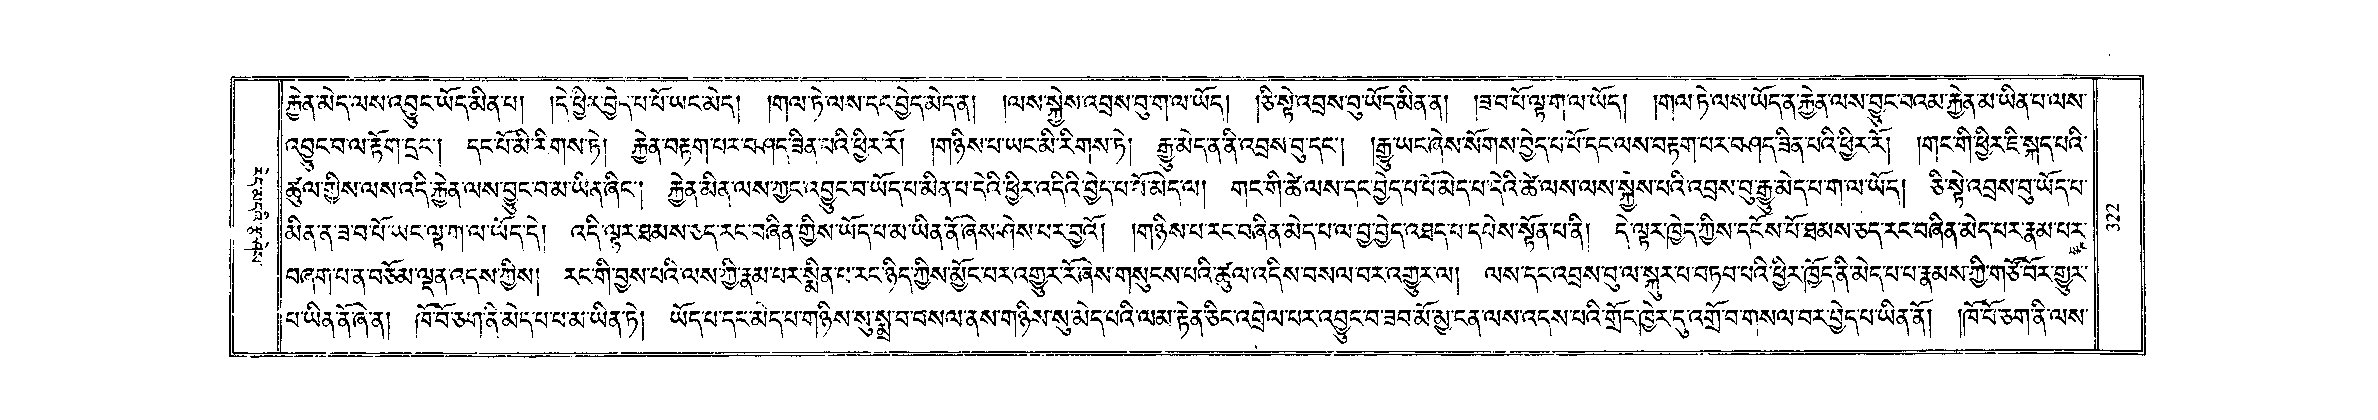རྐྱེན་མེད་ལས་འབྱུང་ཡོད་མིན་པ། །དེ་ཕྱིར་བྱེད་པ་པོ་ཡང་མེད། །གལ་ཏེ་ལས་དང་བྱེད་མེད་ན། །ལས་སྐྱེས་འབྲས་བུ་ག་ལ་ཡོད། །ཅི་སྟེ་འབྲས་བུ་ཡོད་མིན་ན། །ཟ་བ་པོ་ལྟ་ག་ལ་ཡོད། །གལ་ཏེ་ལས་ཡོད་ན་རྐྱེན་ལས་བྱུང་བའམ་རྐྱེན་མ་ཡིན་པ་ལས་
འབྱུང་བ་ལ་རྟོག་དྲང་། དང་པོ་མི་རིགས་ཏེ། རྐྱེན་བརྟག་པར་བཤད་ཟིན་པའི་ཕྱིར་རོ། །གཉིས་པ་ཡང་མི་རིགས་ཏེ། རྒྱུ་མེད་ན་ནི་འབྲས་བུ་དང་། །རྒྱུ་ཡང་ཞེས་སོགས་བྱེད་པ་པོ་དང་ལས་བརྟག་པར་བཤད་ཟིན་པའི་ཕྱིར་རོ། །གང་གི་ཕྱིར་ཇི་སྐད་པའི་
ཚུལ་གྱིས་ལས་འདི་རྐྱེན་ལས་བྱུང་བ་མ་ཡིན་ཞིང་། རྐྱེན་མིན་ལས་ཀྱང་འབྱུང་བ་ཡོད་པ་མིན་པ་དེའི་ཕྱིར་འདིའི་བྱེད་པ་པོ་མེད་ལ། གང་གི་ཚེ་ལས་དང་བྱེད་པ་པོ་མེད་པ་དེའི་ཚེ་ལས་ལས་སྐྱེས་པའི་འབྲས་བུ་རྒྱུ་མེད་པ་ག་ལ་ཡོད། ཅི་སྟེ་འབྲས་བུ་ཡོད་པ་
མིན་ན་ཟ་བ་པོ་ཡང་ལྟ་ག་ལ་ཡོད་དེ། འདི་ལྟར་ཐམས་ཅད་རང་བཞིན་གྱིས་ཡོད་པ་མ་ཡིན་ནོ་ཞེས་ཤེས་པར་བྱའོ། །གཉིས་པ་རང་བཞིན་མེད་པ་ལ་བྱ་བྱེད་འཐད་པ་དཔེས་སྟོན་པ་ནི། དེ་ལྟར་ཁྱེད་ཀྱིས་དངོས་པོ་ཐམས་ཅད་རང་བཞིན་མེད་པར་རྣམ་པར་
བཞག་པ་ན་བཅོམ་ལྡན་འདས་ཀྱིས། རང་གི་བྱས་པའི་ལས་ཀྱི་རྣམ་པར་སྨིན་པ་རང་ཉིད་ཀྱིས་མྱོང་བར་འགྱུར་རོ་ཞེས་གསུངས་པའི་ཚུལ་འདིས་བསལ་བར་འགྱུར་ལ། ལས་དང་འབྲས་བུ་ལ་སྐུར་པ་བཏབ་པའི་ཕྱིར་ཁྱོད་ནི་མེད་པ་པ་རྣམས་ཀྱི་གཙོ་བོར་གྱུར་
པ་ཡིན་ནོ་ཞེ་ན། ཁོ་བོ་ཅག་ནི་མེད་པ་མ་ཡིན་ཏེ། ཡོད་པ་དང་མེད་པ་གཉིས་སུ་སྨྲ་བ་བསལ་ནས་གཉིས་སུ་མེད་པའི་ལམ་རྟེན་ཅིང་འབྲེལ་པར་འབྱུང་བ་ཟབ་མོ་མྱ་ངན་ལས་འདས་པའི་གྲོང་ཁྱེར་དུ་འགྲོ་བ་གསལ་བར་བྱེད་པ་ཡིན་ནོ། །ཁོ་བོ་ཅག་ནི་ལས་